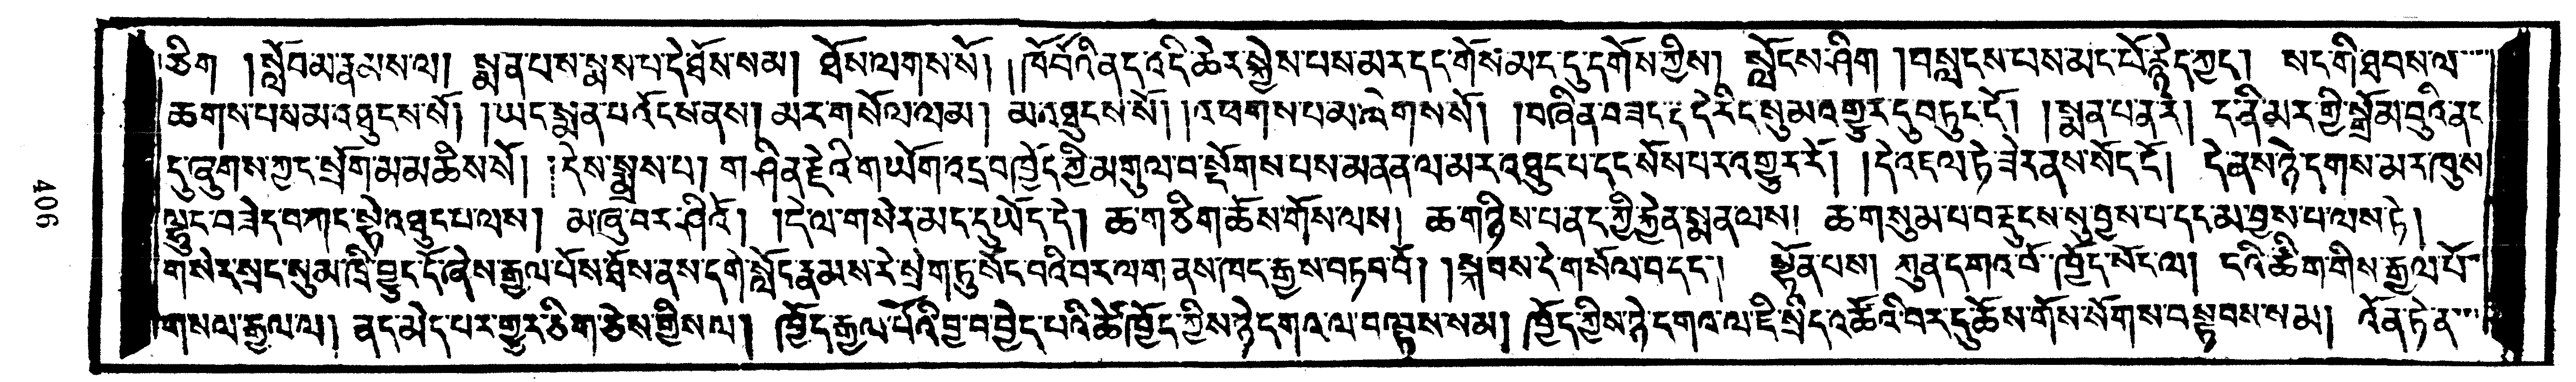ཅིག །སློབ་མ་རྣམས་ལ། སྨན་པས་སྨས་པ་དེ་ཐོས་སམ། ཐོས་ལགས་སོ། །ཁོ་བོའི་ནང་འདི་ཆེར་སྐྱེས་པས་མར་དང་གོས་མང་དུ་དགོས་ཀྱིས། སློངས་ཤིག །བསླངས་པས་མང་པོ་རྙེད་ཀྱང་། སང་གི་ཐབས་ལ་
ཆགས་པས་མ་འཐུངས་སོ། །ཡང་སྨན་པའོངས་ནས། མར་གསོལ་ལམ། མ་འཐུངས་སོ། །འཕགས་པ་མ་ལེགས་སོ། །བཞིན་བཟང་དེ་རིང་སུམ་འགྱུར་དུ་བཏུང་ངོ། །སྨན་པ་ན་རེ། ད་ནི་མར་གྱི་སྒྲོམ་བུའི་ནང་
དུ་ཞུགས་ཀྱང་སྲོག་མ་མཆིས་སོ། །དེས་སྨྲས་པ། གཤིན་རྗེའི་གཡོག་འདྲ་བ་ཁྱོད་ཀྱི་མགུལ་བ་སྡོགས་པས་མནན་ལ་མར་འཐུང་པ་དང་སོས་པར་འགྱུར་རོ། །དེ་འཇལ་ཏེ་ཟེར་ནས་སོང་ངོ། དེ་ནས་ཉེ་དགས་མར་ཁུ་ས་
ལྷུང་བཟེད་བ་ཀང་སྟེ་འཐུང་པ་ལས། མ་ཞུ་བར་ཤིའོ། །དེ་ལ་གསེར་མང་དུ་ཡོད་དེ། ཆ་གཅིག་ཆོས་གོས་ལས། ཆ་གཉིས་པ་ནང་ཀྱི་རྐྱེན་སྨན་ལས། ཆ་གསུམ་པ་བརྡུངས་སུ་བྱས་པ་དང་མ་བྱས་པ་ལས་ཏེ།
གསེར་སྲང་སུམ་ཁྲི་བྱུང་ངོ་ཞེས་རྒྱལ་པོས་ཐོས་ནས་དགེ་སློང་རྣམས་རེ་སྲེག་ཏུ་སོང་བའི་བར་ལ་གནས་ཁང་རྒྱས་བཏབ་བོ། །སྐབས་དེ་གསོལ་བ་དང་། སྟོན་པས། ཀུན་དགའ་བོ་ཁྱོད་སོང་ལ། ངའི་ཚིག་གིས་རྒྱལ་པོ་
གསལ་རྒྱལ་ལ། ནད་མེད་པར་གྱུར་ཅིག་ཅེས་གྱིས་ལ། ཁྱོད་རྒྱལ་པོའི་བྱ་བ་བྱེད་པའི་ཚེ་ཁྱོད་ཀྱིས་ཉེ་དགའ་ལ་བལྟས་སམ། ཁྱོད་ཀྱིས་ཉེ་དགའ་ལ་ཇི་སྲིད་འཚོའི་བར་དུ་ཆོས་གོས་སོགས་བསྟབས་སམ། འོན་ཏེ་ན་